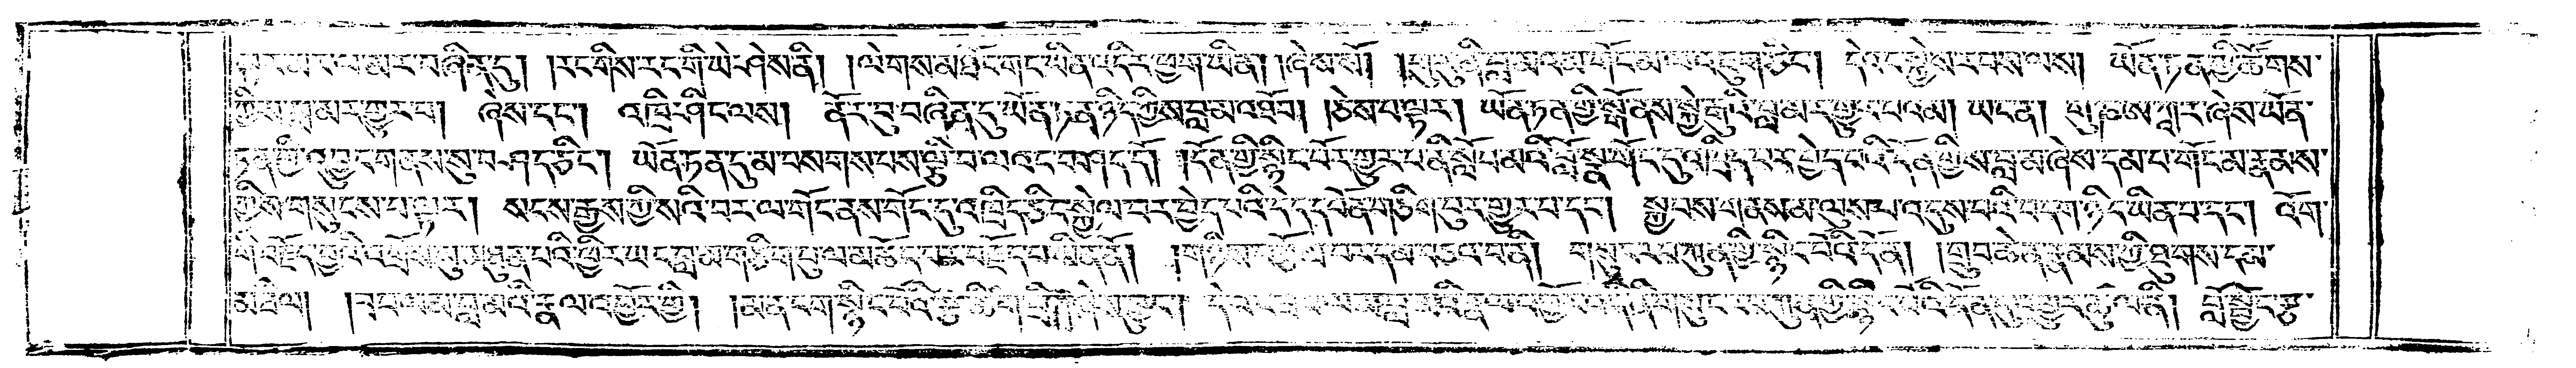ལྟར་མར་ལ་མར་བཞིན་དུ། །རང་གིས་རང་གི་ཡེ་ཤེས་ནི། །ལེགས་མཐོང་གང་ཡིན་འདིར་ཕྱག་ཡིན། །ཞེས་སོ། །གུ་རུ་ནི་བླ་མའམ་གོང་མ་ལ་འཇུག་ཅིང་། དེའང་སྐྱེས་རབས་ལས། ཡོན་ཏན་གྱི་ཚོགས་
ཀྱིས་བླ་མར་གྱུར་པ། ཞེས་དང་། འཁྲི་ཤིང་ལས། ནོར་བུ་བཞིན་དུ་ཡོན་ཏན་ཉིད་ཀྱིས་བླ་མ་འཐོབ། །ཅེས་པ་ལྟར། ཡོན་ཏན་གྱི་སྒོ་ནས་སྐྱེ་རྒུའི་བླ་མར་གྱུར་པའམ། ཡར་ན། གུ་ཎ་ཨ་ཀླར་ཞེས་ཡོན་
ཏན་གྱི་འབྱུང་གནས་སུ་བཤད་ཅིང་། ཡོན་ཏན་དུ་མ་བསགས་པས་ལྟི་བ་ལའང་བཤད་དོ། །དོན་གྱི་སྙིང་པོར་གྱུར་པ་ནི་སློབ་མའི་བློ་སྣ་གོང་དུ་འཁྲིད་པར་བྱེད་པའི་དོན་གྱིས་བླ་མ་ཞེས་དམ་པ་གོང་མ་རྣམས་
གྱིས་གསུངས་བ་ལྟར། སངས་རྒྱས་ཀྱི་སའི་བར་ལ་གོང་ནས་གོང་དུ་འཁྲི་ཅིང་སྐྱེལ་བར་བྱེད་པའི་དེད་དཔོན་གཅིག་པུར་གྱུར་པ་དང་། སྐྱབས་གནས་མ་ལུས་པ་འདུས་པའི་བདག་ཉིད་ཡིན་པ་དང་། འོག་
གི་བརྗོད་བྱའི་འགྲོས་སུ་མཐུན་པའི་ཕྱིར་ཡང་བླ་མ་གཅིག་པུ་ལ་མཆོད་པར་བརྗོད་པ་ཡིན་ནོ། །གཉིས་པ་རྩོམ་པར་དམ་བཅའ་བ་ནི། གསུང་རབ་ཀུན་གྱི་སྙིང་པོའི་དོན། །གྲུབ་ཆེན་རྣམས་ཀྱི་ཐུགས་དམ་
མཐིལ། །ཟབ་ལམ་བླ་མའི་རྣལ་འབྱོར་གྱི། །མན་ངག་སྙིང་པོའི་རྩ་ཚིག་བྲི། །ཞེས་བྱུང་། དེའང་ཟབ་ལམ་བླ་མའི་རྣལ་འབྱོར་འདི་ནི་གསུང་རབ་ཀུན་གྱི་སྙིང་པོའི་དོན་དུ་འགྱུར་ཚུལ་ནི། བློ་སྦྱོང་རྩ་